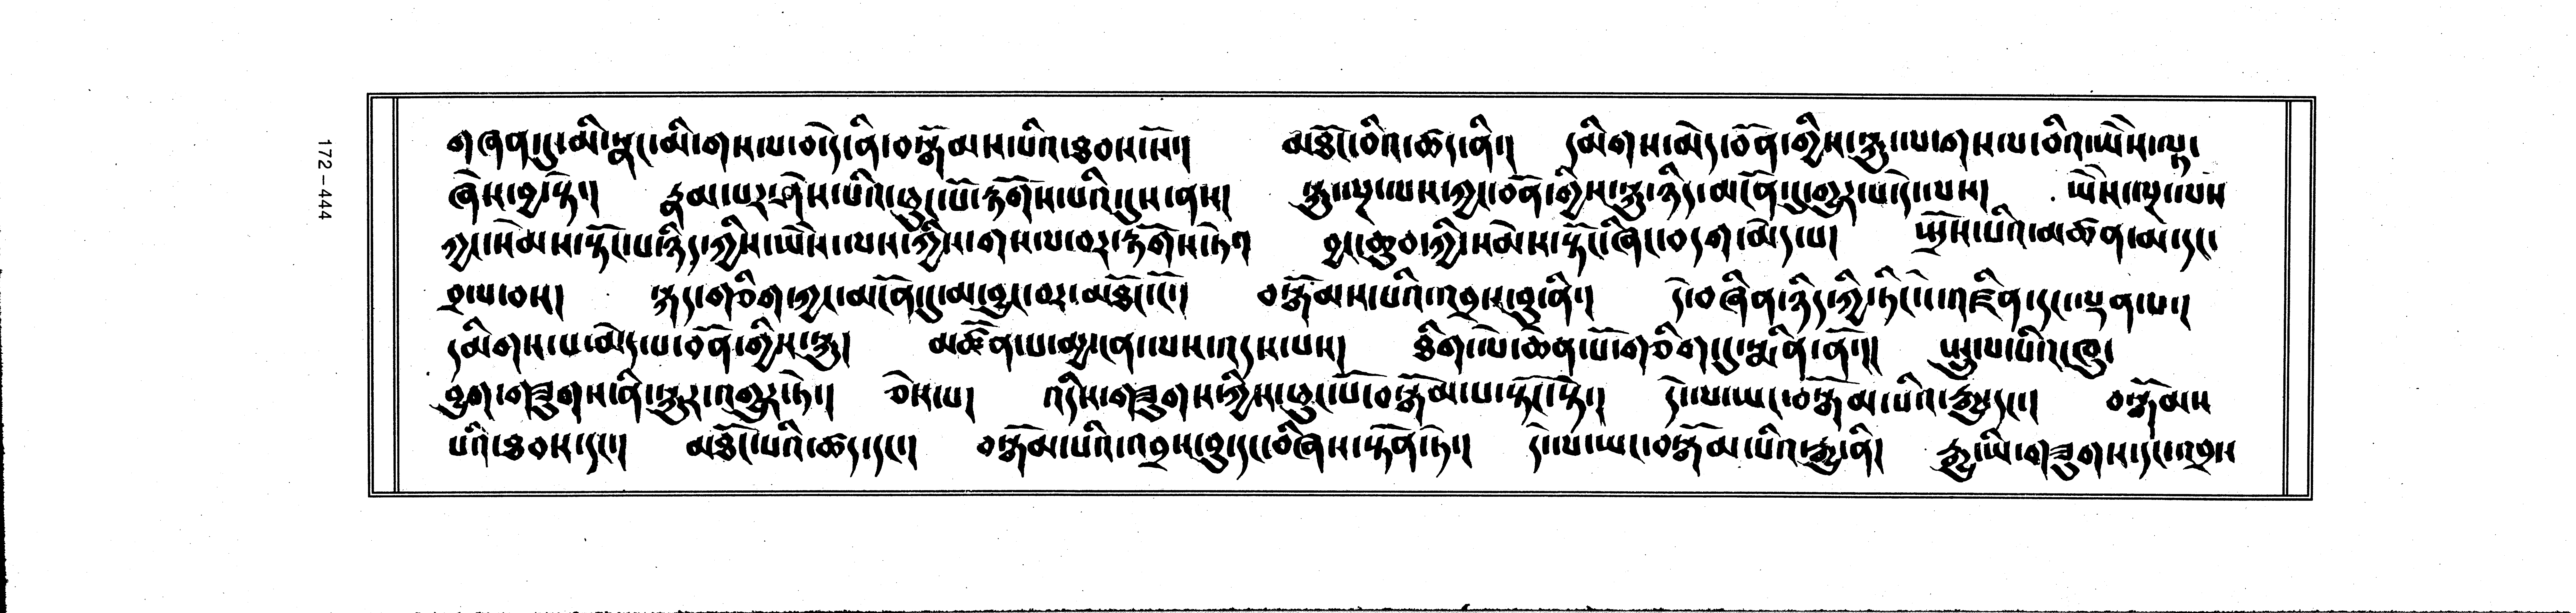གཞན་དུ་མི་སྣང་མི་གསལ་བ་དེ་ནི་བསྒོམས་པའི་ཐབས་སོ། མཐོང་བའི་ཚད་ནི། དམིགས་མེད་བོན་གྱིས་སྐུ་ལ་གསལ་བའི་ཡེ་ཤེས་ལྟ་
ཞེས་བྱ་སྟེ། རྣམ་པར་ཤེས་པའི་ཕུང་པོ་རྟོགས་པའི་དུས་ནས། སྐུ་ལྔ་ལས་ཀྱང་བོན་གྱིས་སྐུ་ཉིད་མངོན་དུ་གྱུར་པ་དེ་ལས། ཡེ་ཤེས་ལྔ་ལས་
ཀྱང་སེམས་སྟོང་པ་ཉིད་ཀྱིས་ཡེ་ཤེས་ལས་ཀྱིས་གསལ་བར་རྟོགས་ཏེ། བྱང་ཆུབ་ཀྱི་སེམས་སྟོང་ཞིང་བདག་མེད་པ། སྤྲོས་པའི་མཚན་མ་དང་
བྲལ་བས། སྐད་གཅིག་ཀྱང་མངོན་དུ་མ་བྱུང་བར་མཐོང་ངོ་། བསྒོམས་པའི་འབྲས་བུ་ནི། དེ་བཞིན་ཉིད་ཀྱི་ཏིང་ངེ་འཛིན་དང་ལྡན་པ། 
དམིགས་པ་མེད་པ་བོན་གྱིས་སྐུ། མཚོན་པ་མྱ་ངན་ལས་འདས་པས། ཐིག་ལེ་ཆེན་པོ་གཅིག་དུ་སྨིན་ནོ། སྤྲུལ་པའི་ཁུ་
བྱུག་གཟུགས་ནི་སྐུར་འགྱུར་ཏེ། ཅེས་པ། འདིས་གཟུགས་ཀྱིས་ཕུང་པོ་བསྒོམ་པ་སྟོང་སྟེ། དེ་ལ་ཡང་བསྒོམ་པའི་རྒྱུ་དང་། བསྒོམས་
པའི་ཐབས་དང་། མཐོང་པའི་ཚད་དང་། བསྒོམ་པའི་འབྲས་བུ་དང་བཞི་སྟོན་ཏེ། དེ་ལ་ཡང་བསྒོམ་པའི་རྒྱུ་ནི། རྒྱུ་ཡི་གཟུགས་དང་འབྲས་